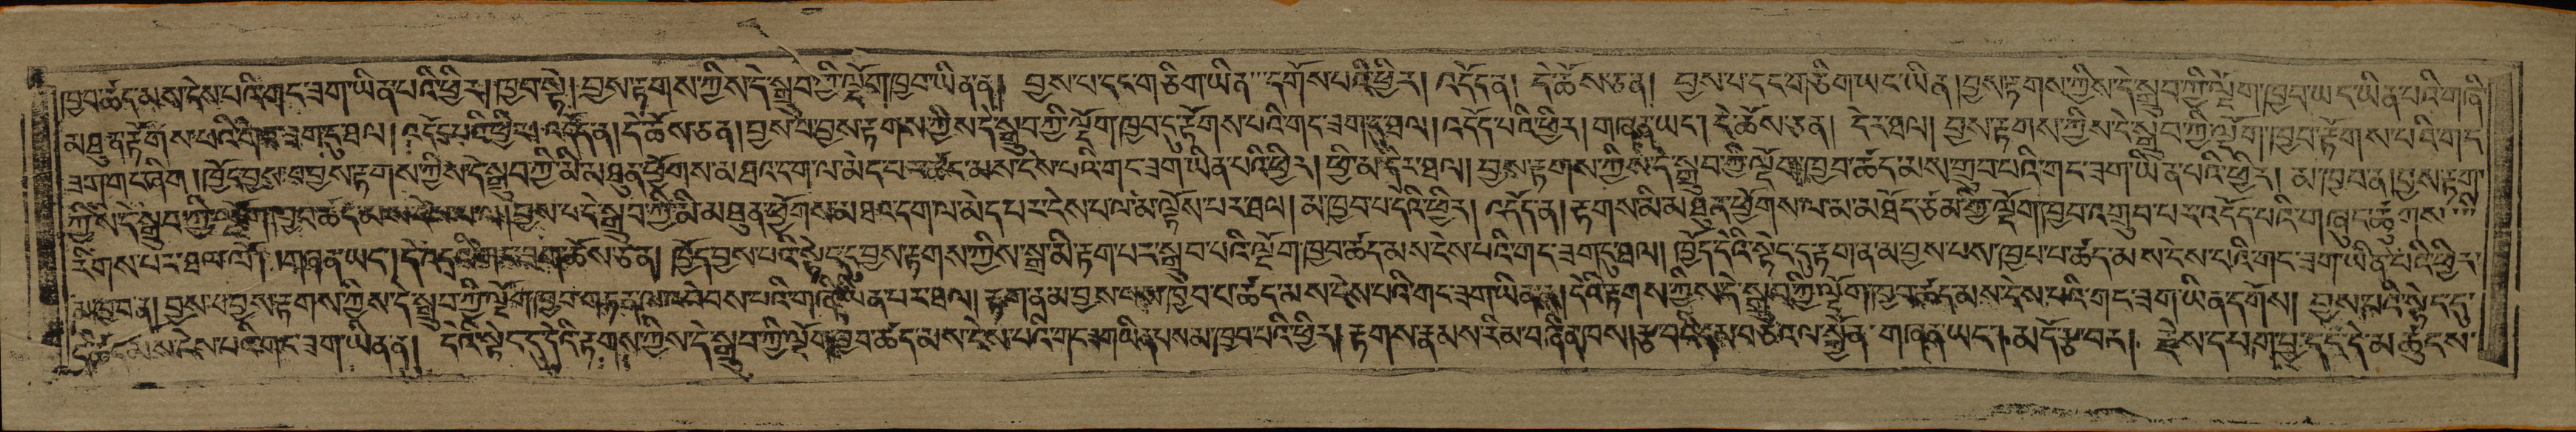ཁྱབ་ཚད་མས་ངེས་པའི་གང་ཟག་ཡིན་པའི་ཕྱིར། ཁྱབ་སྟེ། བྱས་རྟགས་ཀྱིས་དེ་སྒྲུབ་ཀྱི་ལྡོག་ཁྱབ་ཡིན་ན། བྱས་པ་དང་གཅིག་ཡིན་དགོས་པའི་ཕྱིར། འདོད་ན། དེ་ཆོས་ཅན། བྱས་པ་དང་གཅིག་ཡང་ཡིན། བྱས་རྟགས་ཀྱིས་དེ་སྒྲུབ་ཀྱི་ལྡོག་ཁྱབ་ཡང་ཡིན་པའི་གཞི་
མཐུན་རྟོགས་པའི་གང་ཟག་དུ་ཐལ། འདོད་པའི་ཕྱིར། འདོད་ན། དེ་ཆོས་ཅན། བྱས་པ་བྱས་རྟགས་ཀྱིས་དེ་སྒྲུབ་ཀྱི་ལྡོག་ཁྱབ་དུ་རྟོགས་པའི་གང་ཟག་དུ་ཐལ། འདོད་པའི་ཕྱིར། གཞན་ཡང་། དེ་ཆོས་ཅན། དེར་ཐལ། བྱས་རྟགས་ཀྱིས་དེ་སྒྲུབ་ཀྱི་ལྡོག་ཁྱབ་རྟོགས་པའི་གང་
ཟག་གང་ཞིག །ཁྱོད་བྱས་པ་བྱས་རྟགས་ཀྱིས་དེ་སྒྲུབ་ཀྱི་མི་མཐུན་ཕྱོགས་མཐའ་དག་ལ་མེད་པར་ཚད་མས་ངེས་པའི་གང་ཟག་ཡིན་པའི་ཕྱིར། ཕྱི་མ་དེར་ཐལ། བྱས་རྟགས་ཀྱིས་དེ་སྒྲུབ་ཀྱི་ལྡོག་ཁྱབ་ཚད་མས་གྲུབ་པའི་གང་ཟག་ཡིན་པའི་ཕྱིར། མ་ཁྱབ་ན། བྱས་རྟགས་
ཀྱིས་དེ་སྒྲུབ་ཀྱི་ལྡོག་ཁྱབ་ཚད་མས་ངེས་པ་ལ། བྱས་པ་དེ་སྒྲུབ་ཀྱི་མི་མཐུན་ཕྱོགས་མཐའ་དག་ལ་མེད་པར་ངེས་པ་ལ་མི་ལྟོས་པར་ཐལ། མ་ཁྱབ་པ་དེའི་ཕྱིར། འདོད་ན། རྟགས་མི་མཐུན་ཕྱོགས་ལ་མ་མཐོང་ཙམ་གྱི་ལྡོག་ཁྱབ་འགྲུབ་པར་འདོད་པའི་གཞུང་ཚུགས་
རིགས་པར་ཐལ་ལོ། །གཞན་ཡང་། དེ་འདྲའི་གང་ཟག་ཆོས་ཅན། ཁྱོད་བྱས་པའི་སྟེང་དུ་བྱས་རྟགས་ཀྱིས་སྒྲ་མི་རྟག་པར་སྒྲུབ་པའི་ལྡོག་ཁྱབ་ཚད་མས་ངེས་པའི་གང་ཟག་དུ་ཐལ། ཁྱོད་དེའི་སྟེང་དུ་རྟག་ན་མ་བྱས་པས་ཁྱབ་པ་ཚད་མས་ངེས་པའི་གང་ཟག་ཡིན་པའི་ཕྱིར་
མ་ཁྱབ་ན། བྱས་པ་བྱས་རྟགས་ཀྱིས་དེ་སྒྲུབ་ཀྱི་ལྡོག་ཁྱབ་གཏན་ལ་འབེབས་པའི་གཞི་ཡིན་པར་ཐལ། རྟག་ན་མ་བྱས་པས་ཁྱབ་པ་ཚད་མས་ངེས་པའི་གང་ཟག་ཡིན་ན། དེའི་རྟགས་ཀྱིས་དེ་སྒྲུབ་ཀྱི་ལྡོག་ཁྱབ་ཚད་མས་ངེས་པའི་གང་ཟག་ཡིན་དགོས། བྱས་པའི་སྟེང་དུ་
དེ་ཚད་མས་ངེས་པའི་གང་ཟག་ཡིན་ན། དེའི་སྟེང་དུ་དེའི་རྟགས་ཀྱིས་དེ་སྒྲུབ་ཀྱི་ལྡོག་ཁྱབ་ཚད་མས་ངེས་པའི་གང་ཟག་ཡིན་པས་མ་ཁྱབ་པའི་ཕྱིར། རྟགས་རྣམས་རིམ་བཞིན་ཁས། རྩ་བའི་དམ་བཅའ་ལ་སྐྱོན་གཞན་ཡང་། མདོ་རྩ་བར། རྗེས་དཔག་བྱ་དང་དེ་མཚུངས་